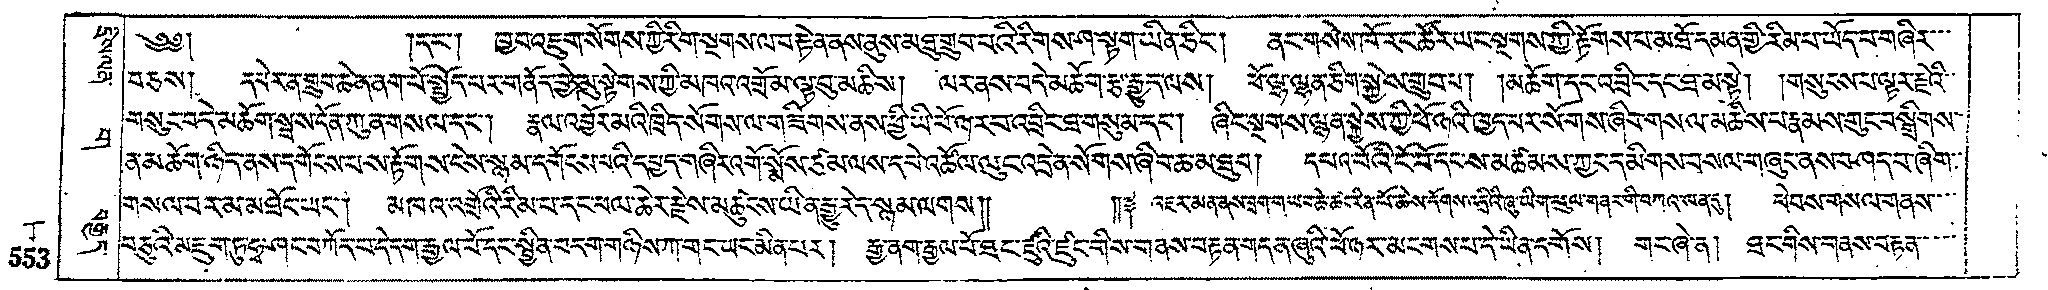༄༅། །དང་། ཁྱབ་འཇུག་སོགས་ཀྱི་རིག་སྔགས་ལ་བརྟེན་ནས་ནུས་མཐུ་གྲུབ་པའི་རིགས་ཤ་སྟག་ཡིན་ཅིང་། ནང་གསེས་ཁོ་རང་ཚོར་ཡང་སྔགས་ཀྱི་རྟོགས་པ་མཐོ་དམན་གྱི་རིམ་པ་ཡོད་པ་གཞིར་་་
བཅས། དཔེར་ན་གྲུབ་ཆེན་ནག་པོ་སྤྱོད་པར་གནོད་བྱེད་མུ་སྟེགས་ཀྱི་མཁའ་འགྲོ་མ་ལྟ་བུ་མཆིས། ལར་ནས་བདེ་མཆོག་རྩ་རྒྱུད་ལས། ཕོ་ལྷ་ལྷན་ཅིག་སྐྱེས་གྲུབ་པ། །མཆོག་དང་འབྲིང་དང་ཐ་མ་སྟེ། །གསུངས་པ་ལྟར་རྗེའི་
གསུང་བདེ་མཆོག་སྦས་དོན་ཀུན་གསལ་དང་། རྣལ་འབྱོར་མའི་ཁྲིད་སོགས་ལ་གཟིགས་ནས་ཕྱི་ཡི་ཕོ་ཉ་རབ་འབྲིང་ཐ་གསུམ་དང་། ཞིང་སྔགས་ལྷན་སྐྱེས་ཀྱི་ཕོ་ཉའི་ཁྱད་པར་སོགས་ཞིབ་གསལ་མཆིས་པ་རྣམས་གུང་བསྒྲིགས་་་
ན་མཆོག་ཉིད་ནས་དགོངས་པས་རྟོགས་ངེས་སྙམ་དགོངས་པའི་དཔྱད་གཞིར་འགོ་སྨོས་ཙམ་ལས་དཔེ་འཚོལ་ལུང་འདྲེན་སོགས་ཞིབ་ཆ་མ་ཐུབ། དཔའ་བོའི་ངོ་བོ་དང་ས་མཚམས་ཀྱང་དམིགས་བསལ་གཞུང་ནས་བཤད་པ་ཞིག་་་
གསལ་བར་མ་མཐོང་ཡང་། མཁའ་འགྲོའི་རིམ་པ་དང་ཕལ་ཆེར་རྗེས་མཚུངས་ཡིན་རྒྱུ་རེད་སྙམ་ལགས།། །། འ་འཇར་མན་ནས་བྲག་གཡབ་ཆེ་ཚང་རིན་པོ་ཆེས་དོགས་འདྲིའི་ཞུ་ཡིག་ཕུལ་གནང་གི་བཀའ་ལན་དུ།  ཕེབས་གསལ་གནས་་་
བཅུའི་མཇུག་ཏུ་ཧྭ་ཤང་བཀོད་པ་དེ་དག་རྒྱལ་པོ་དང་སྦྱིན་བདག་གཉིས་ཀ་གང་ཡང་མིན་པར། རྒྱ་ནག་རྒྱལ་པོ་ཐང་ཛུའི་ཛུང་གིས་གནས་བརྟན་གདན་ཞུའི་ཕོ་ཉར་མངགས་པ་དེ་ཡིན་དགོས། གང་ཞེ་ན། ཐང་གིས་གནས་བརྟན་་་